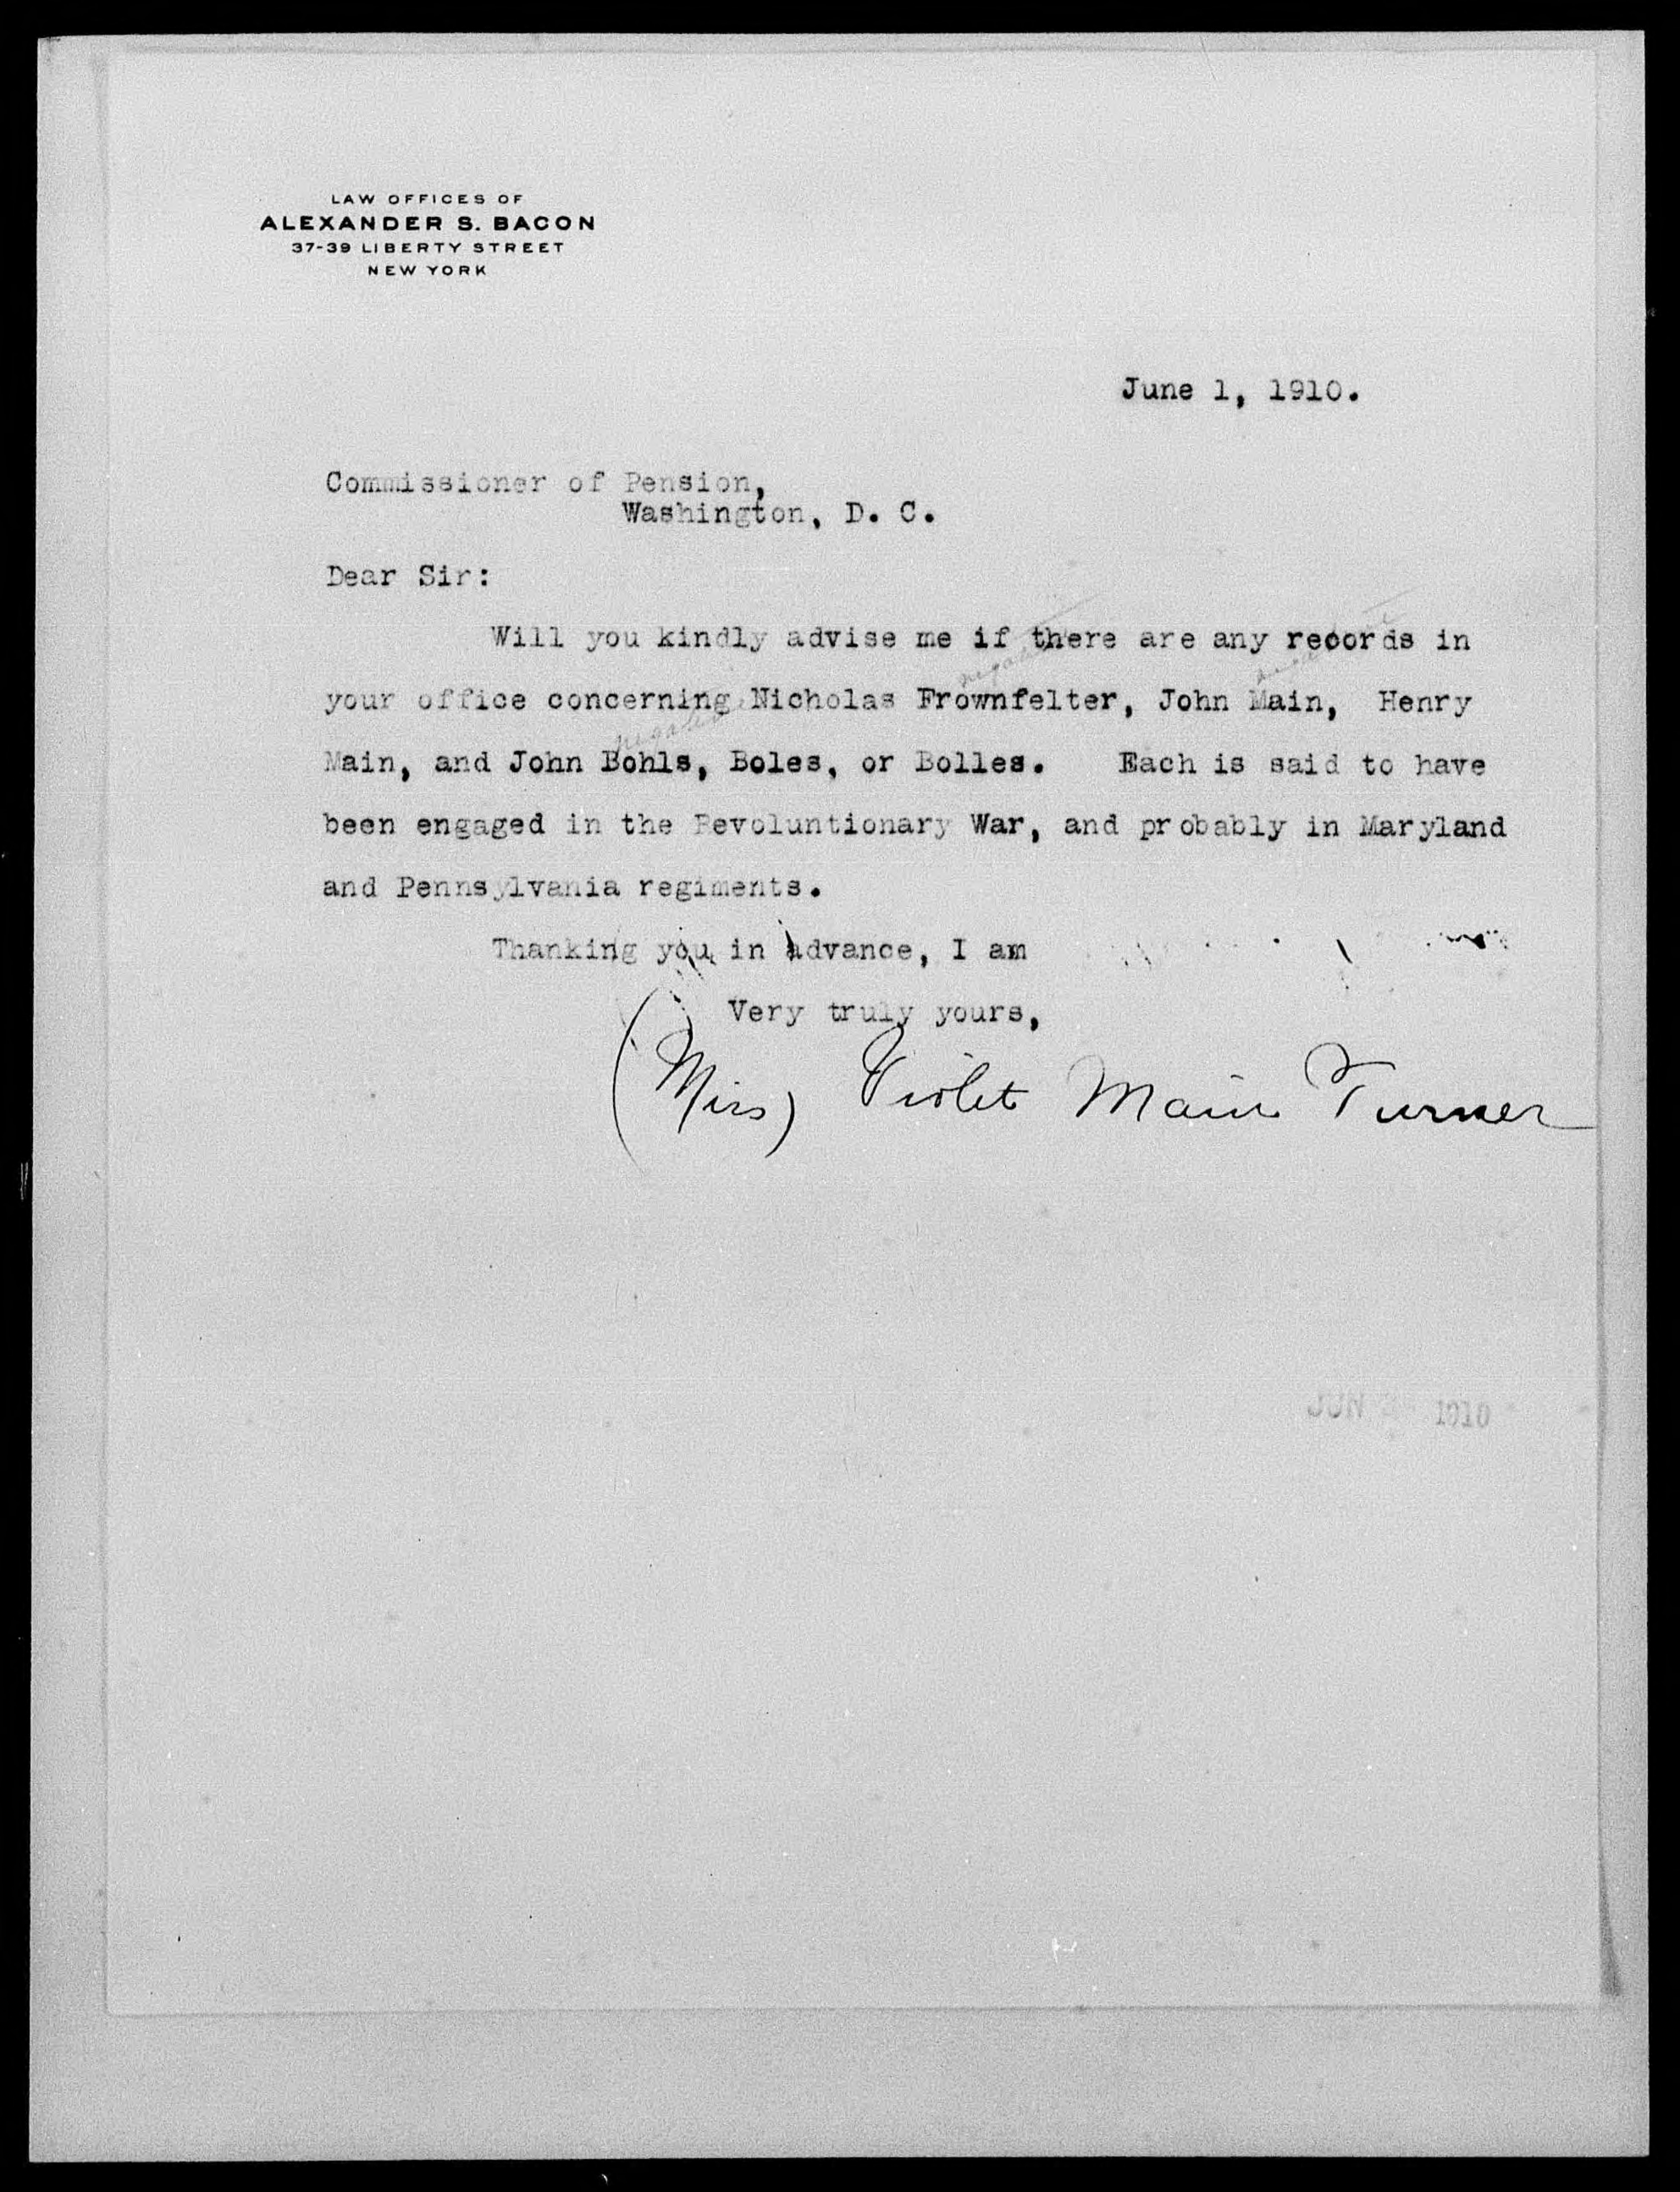LAW OFFICES OF
ALEXANDER S. BACON
37 - 39 LIBERTY STREET
NEW YORK

June 1, 1910.

Commissioner of Pension,
Washington, D.C.

Dear Sir:
Will you kindly advise me if there are any records in
your office concerning Nicholas Frownfelter, John Main, Henry
Main, and John Bohls, Boles, or Bolles. Each is said to have been engaged in the Revolutionary War, and probably in Maryland and Pennsylvania regiments.

Thanking you in advance, I am
Very truly yours,
(Miss) Violet Main Turner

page: 8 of 13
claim: survivor's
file: S. 41806, for Henry Main, Maryland